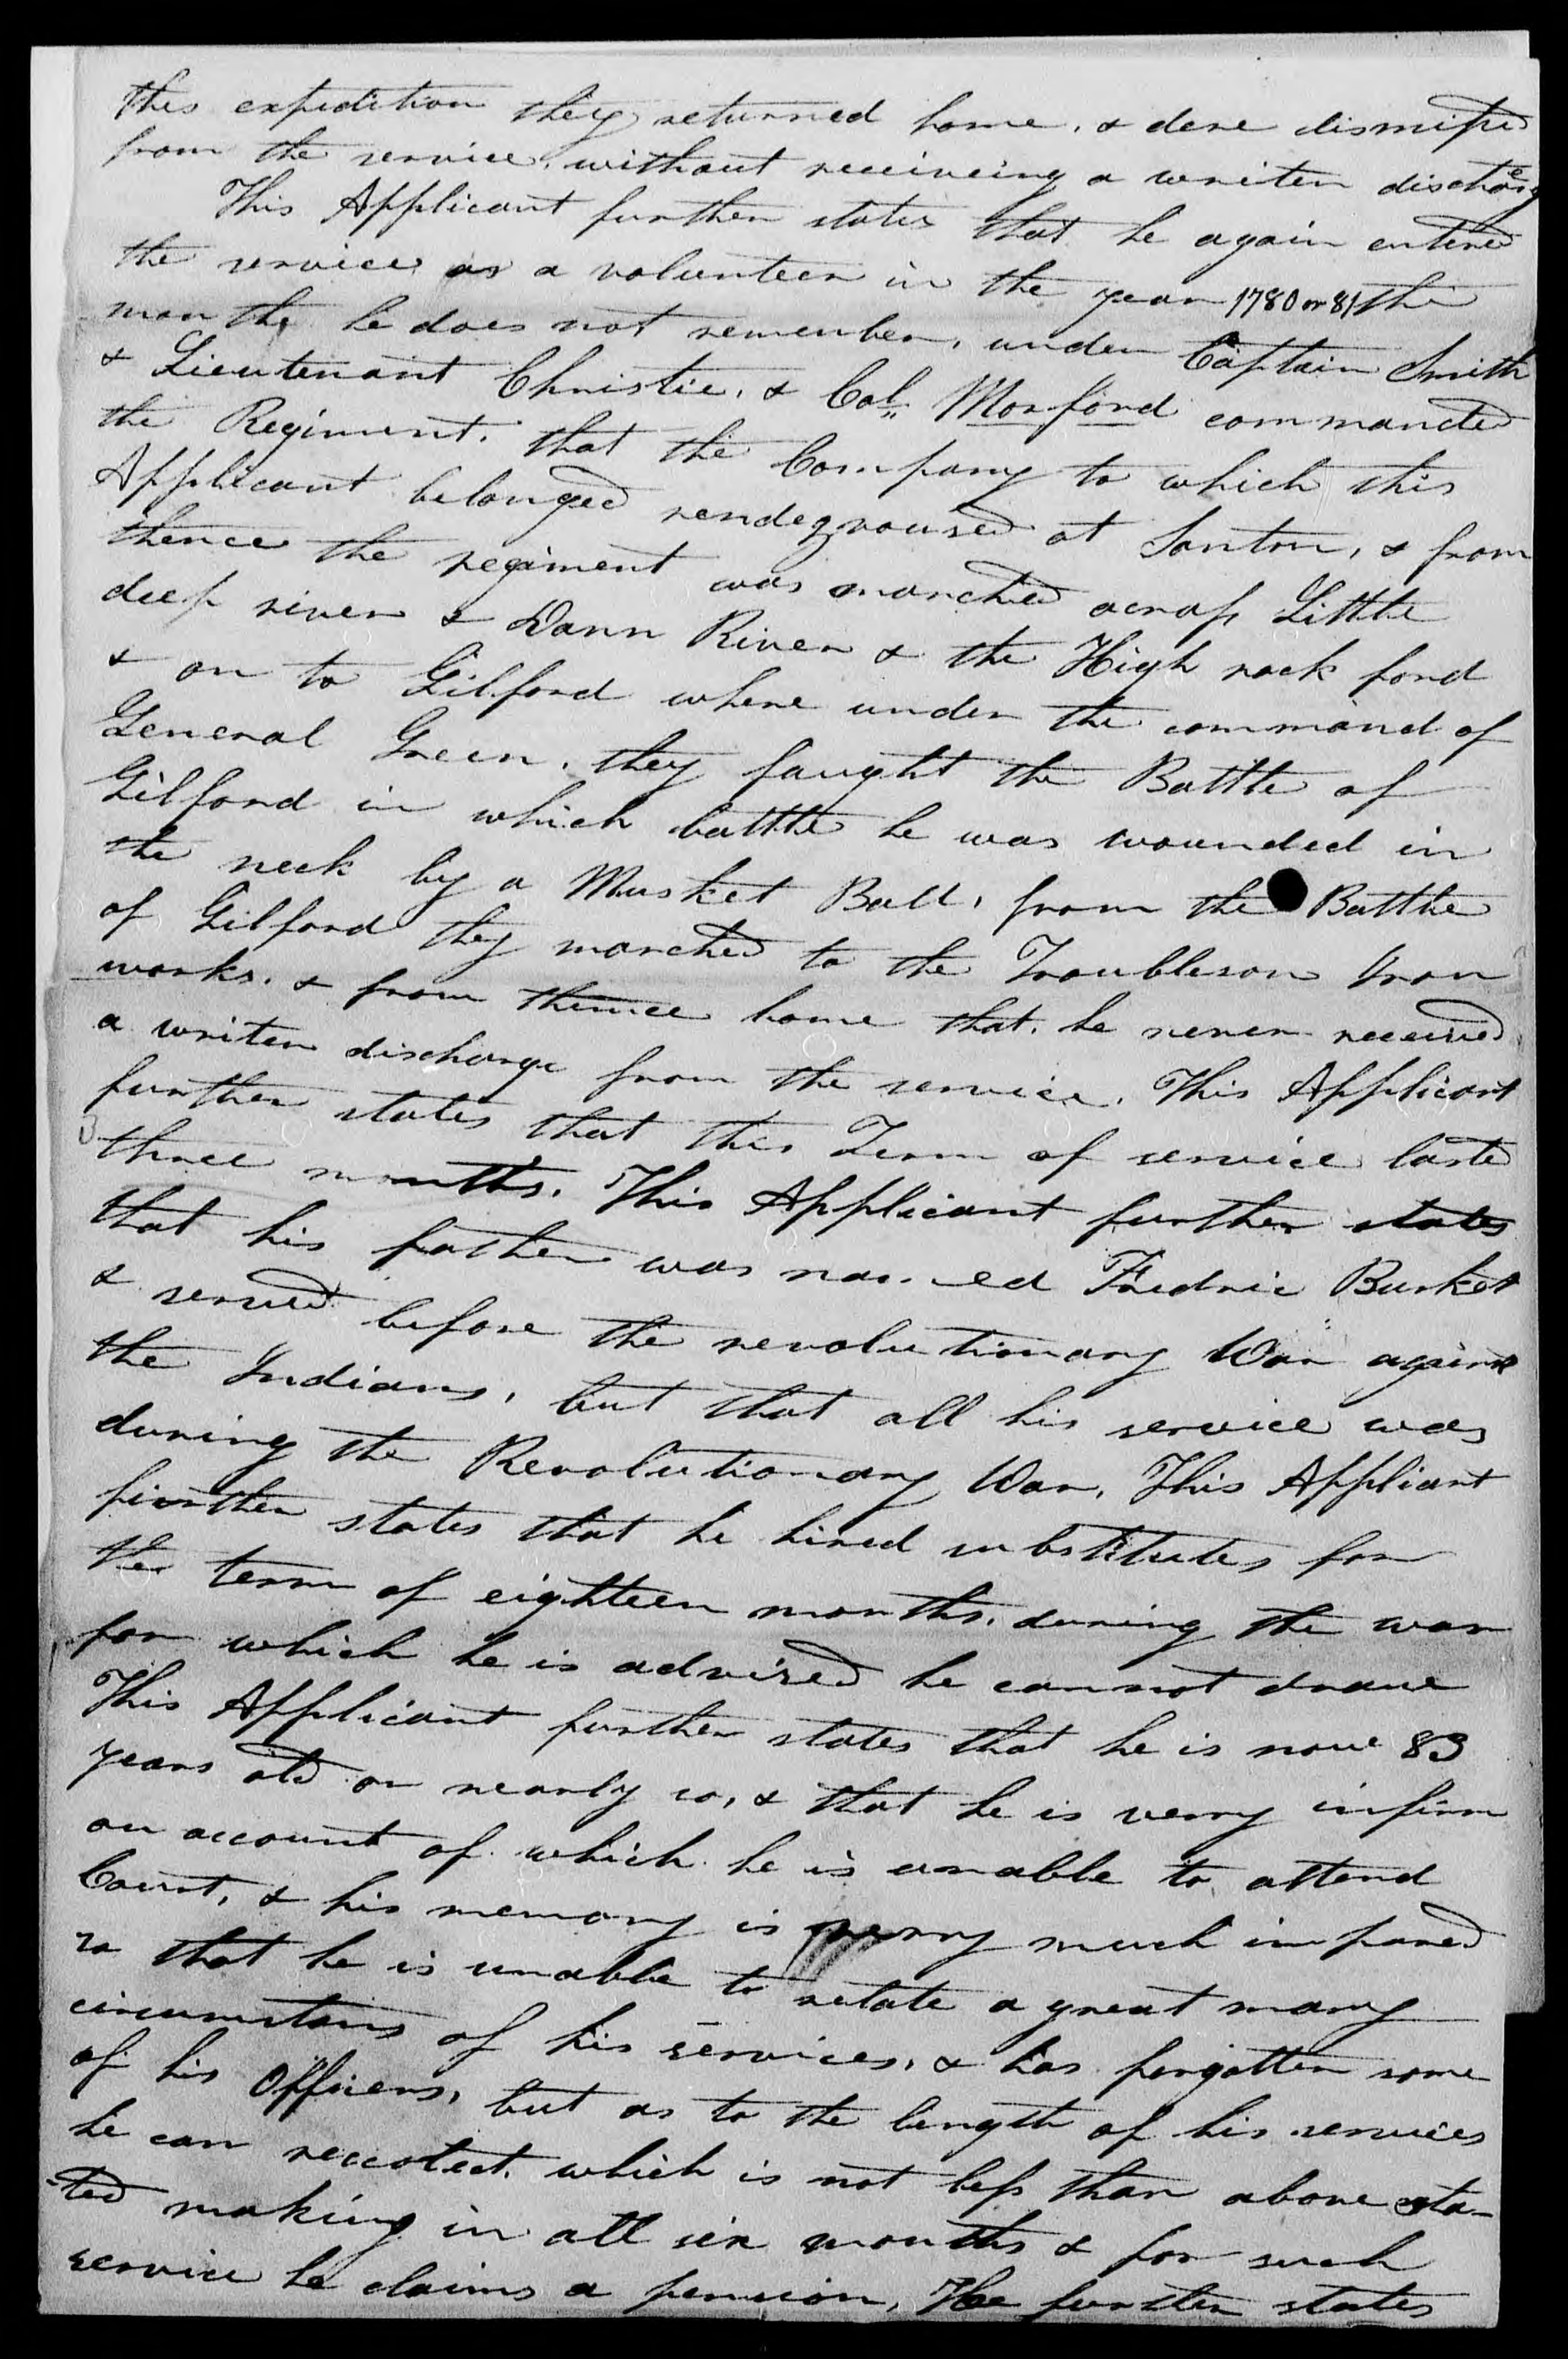this expectation they returned home & done dismissed from the service without receiving a written discharge
This Applicant further states that he again entered the service as a volunteer in the year 1780 or 81 the month he does not remember, under Captain Smith & Lieutenant Christie & Col Monford commanded the Regiment that the Company to which this Applicant belonged rendezvouse (sic) at Santon & from thence the regiment was marched across Little Dees River & Dann River & the High rock pond & on to Gilford where under the command of General Green they fought the Battle of Gilford in which battle he was wounded in the neck by a Musket Ball, for the Battle of Gilford they marched to the Troublesome Iron works & from thence home that he never received a written discharge from the service. This Applicant further states that this Term of service lasted three months.  This Applicant further states that his father was named Fredric Burket & serviced before the revolutionary war against the Indians, but that all his service was during the Revolutionary War.  This Applicant further states that he lived in both states for the term of eighteen months during the war for which he is advised he cannot draw
This Applicant further states that he is now 83 years old or nearly so & that he is very infirm on account of which he is unable to attend Court, & his memory is very much impaired so that he is unable to state a great many circumstances of his services, & has forgotten some of his Officers, but as to the length of his services he can recollect which is not less than above stated making in all in months & for such service he claims a pension, He further states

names: Morford, Smith, Christie, Green, Fredric Burket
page: 32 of 47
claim: survivor's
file: S. 3102, Frederick Burket, Va.